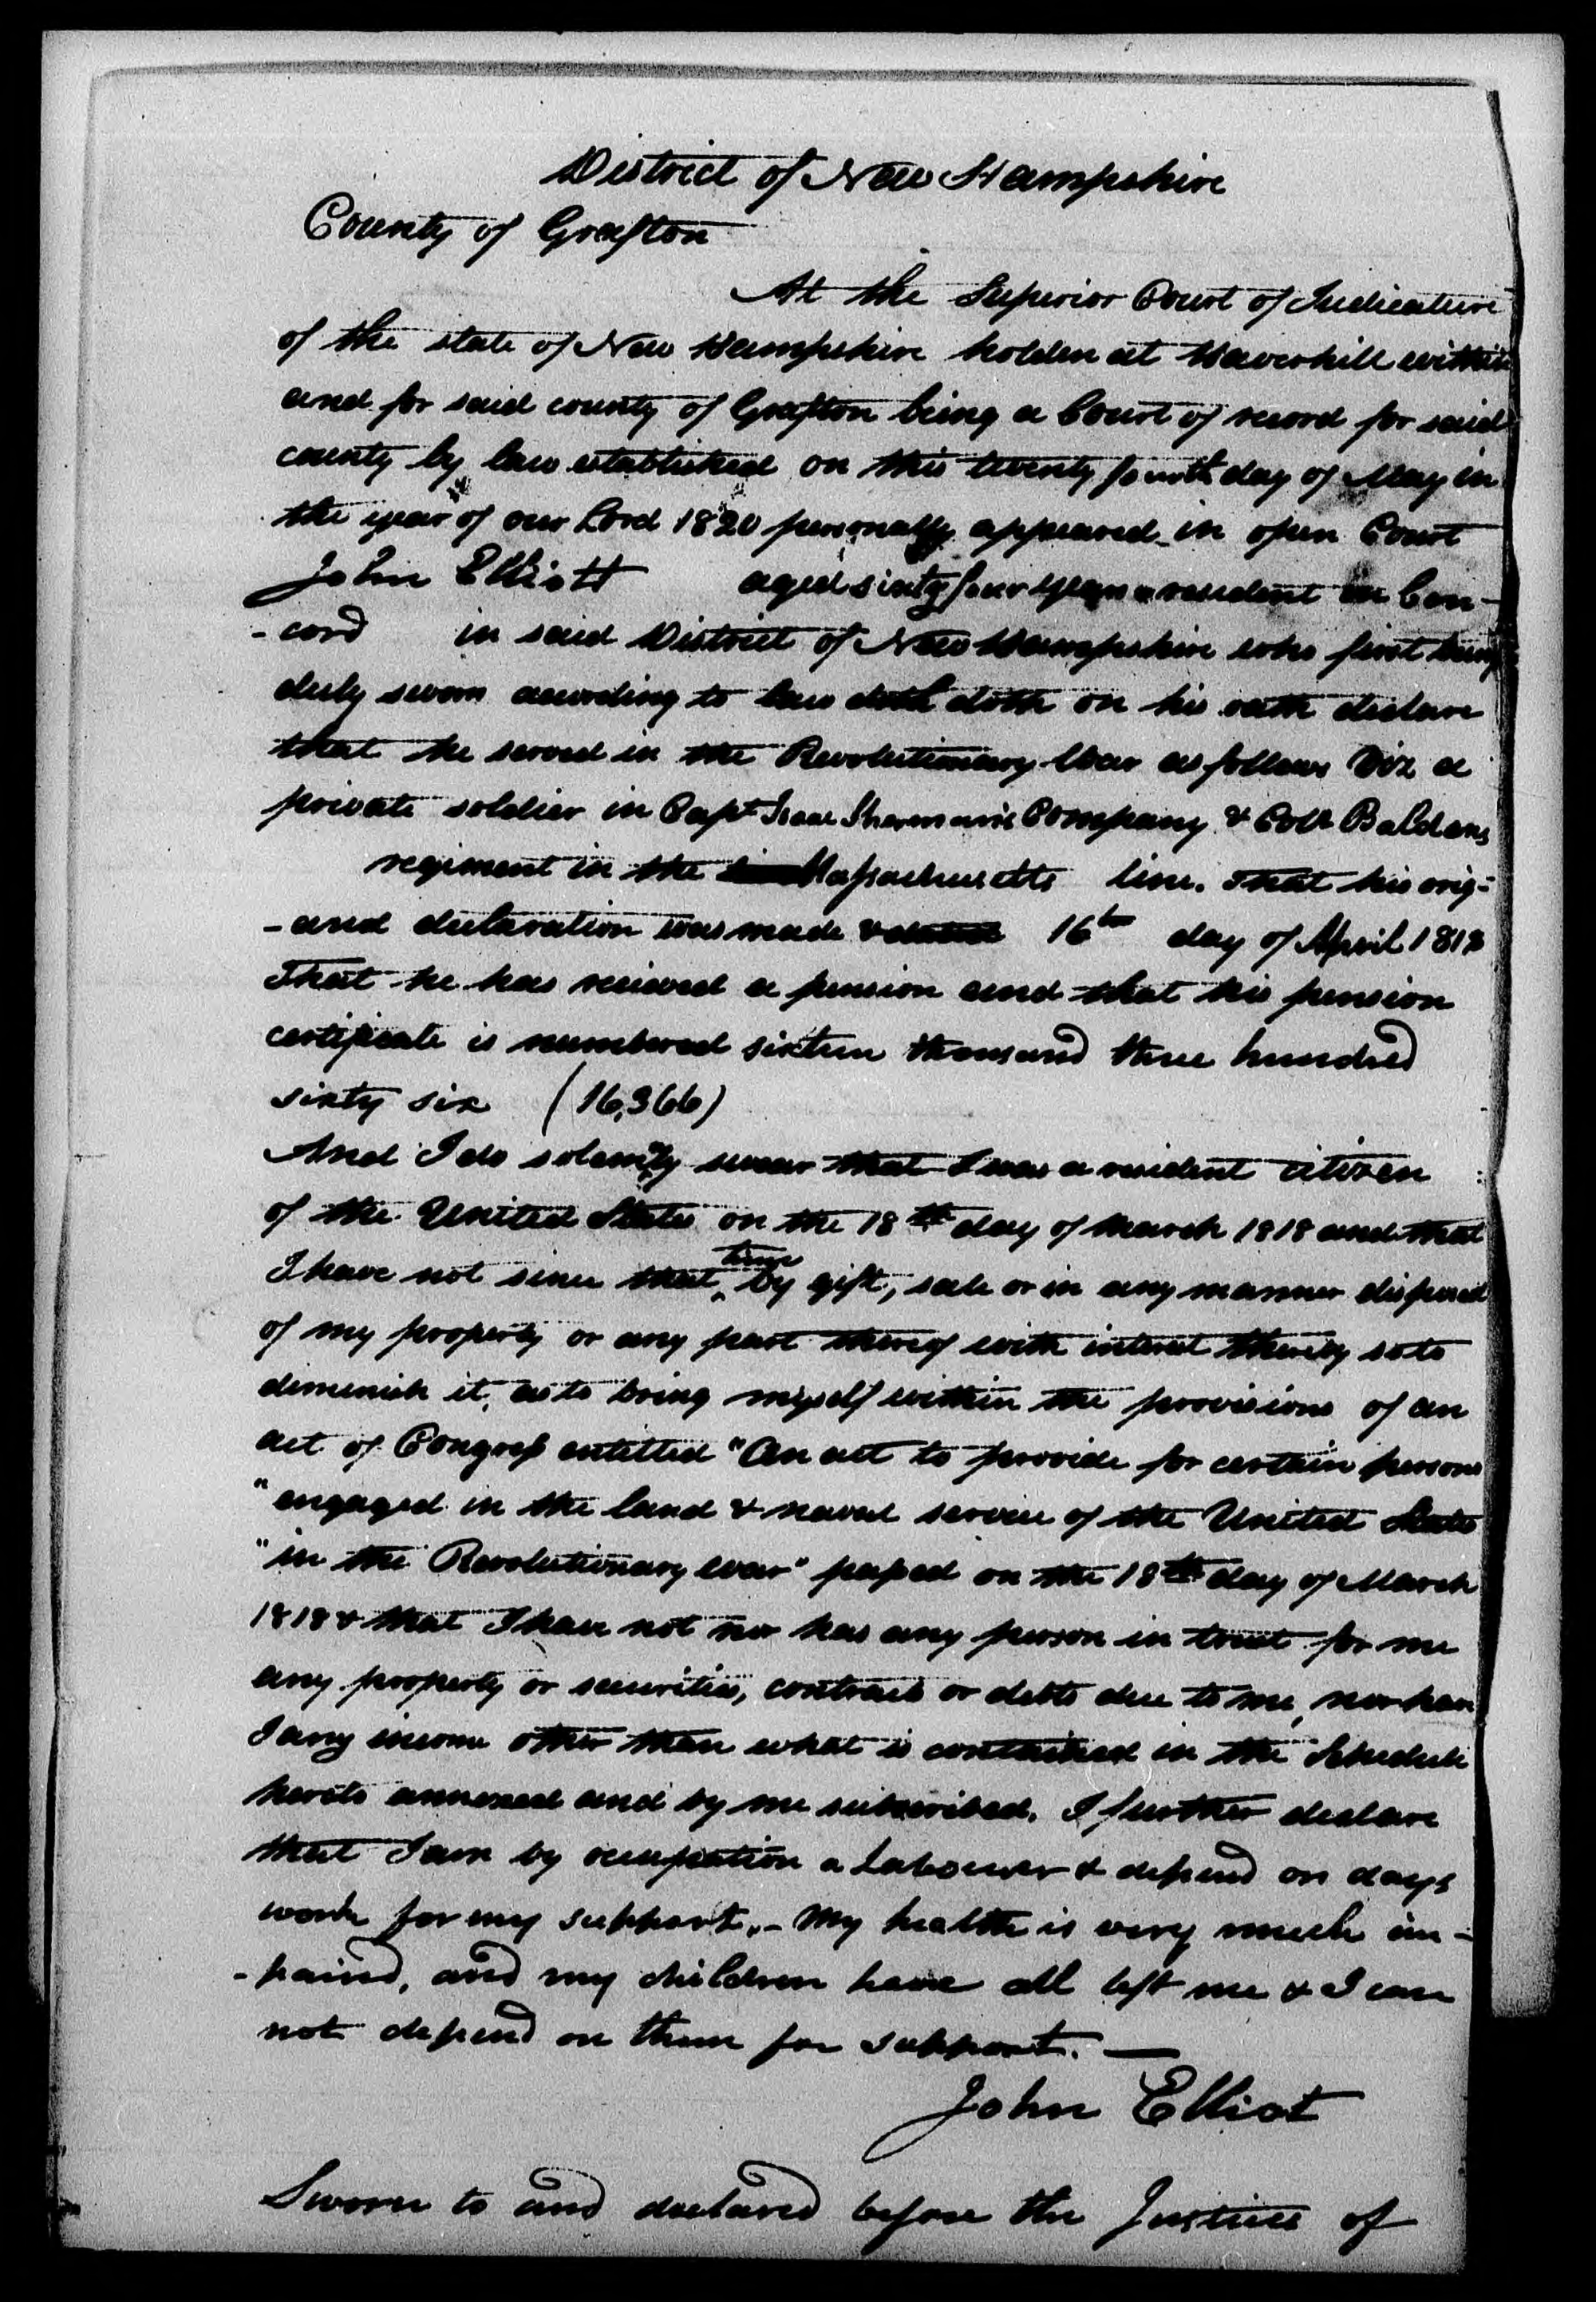District of New Hampshire 
County of Grafton

At the Superior Court of Judication of the State of New Hampshire holden at Haverhill within and for said County of Grafton being a Court of record for said County by law established on this twenty fourth day of May in the year of our Lord 1820 personally appeared in open Court John Elliott aged sixty four years a resident in Concord in said District of New Hampshire who first being duly sworn according to law doth on his oath declare that he served in the Revolutionary War as follows {viz} a private soldier in Capt Isaac Sherman's Company & Col Baldens regiment in the Massachusetts line. That his orig and declaration was made 16th day of April 1818.  That he has received a pension and that his pension certificate is numbered Sixteen thousand three hundred sixty six (16.366) And I do solemnly swear that I was a resident within the United States on the 18th day of March 1818 and that I have not since that day by gift, sale or in any manner disposed of my property or any part thereof with interest thereby so to diminish it as to bring myself within the provisions of an act of Congress entitled "An act to provide for certain persons engaged in the land & naval service of the United in the Revolutionary war" passed on the 18th day of March 1818 & that I have not nor has any person in trust for me any property or securities, contract or debts due to me, marker I any {illegible}  other than what is contained in the schedule hereto annexed and by me subscribed. I further declare that I am by occupation a laborer & depend on days work for my support, my health is very much impaired, and my children have all left me & I can not depend on them for support. 
John Elliot 
Sworn to and declared before the Justices of Grafton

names: John Elliott, John Elliot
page: 10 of 57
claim: widow's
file: W. 16,114, John Elliot, Continental (Mass) N.H.